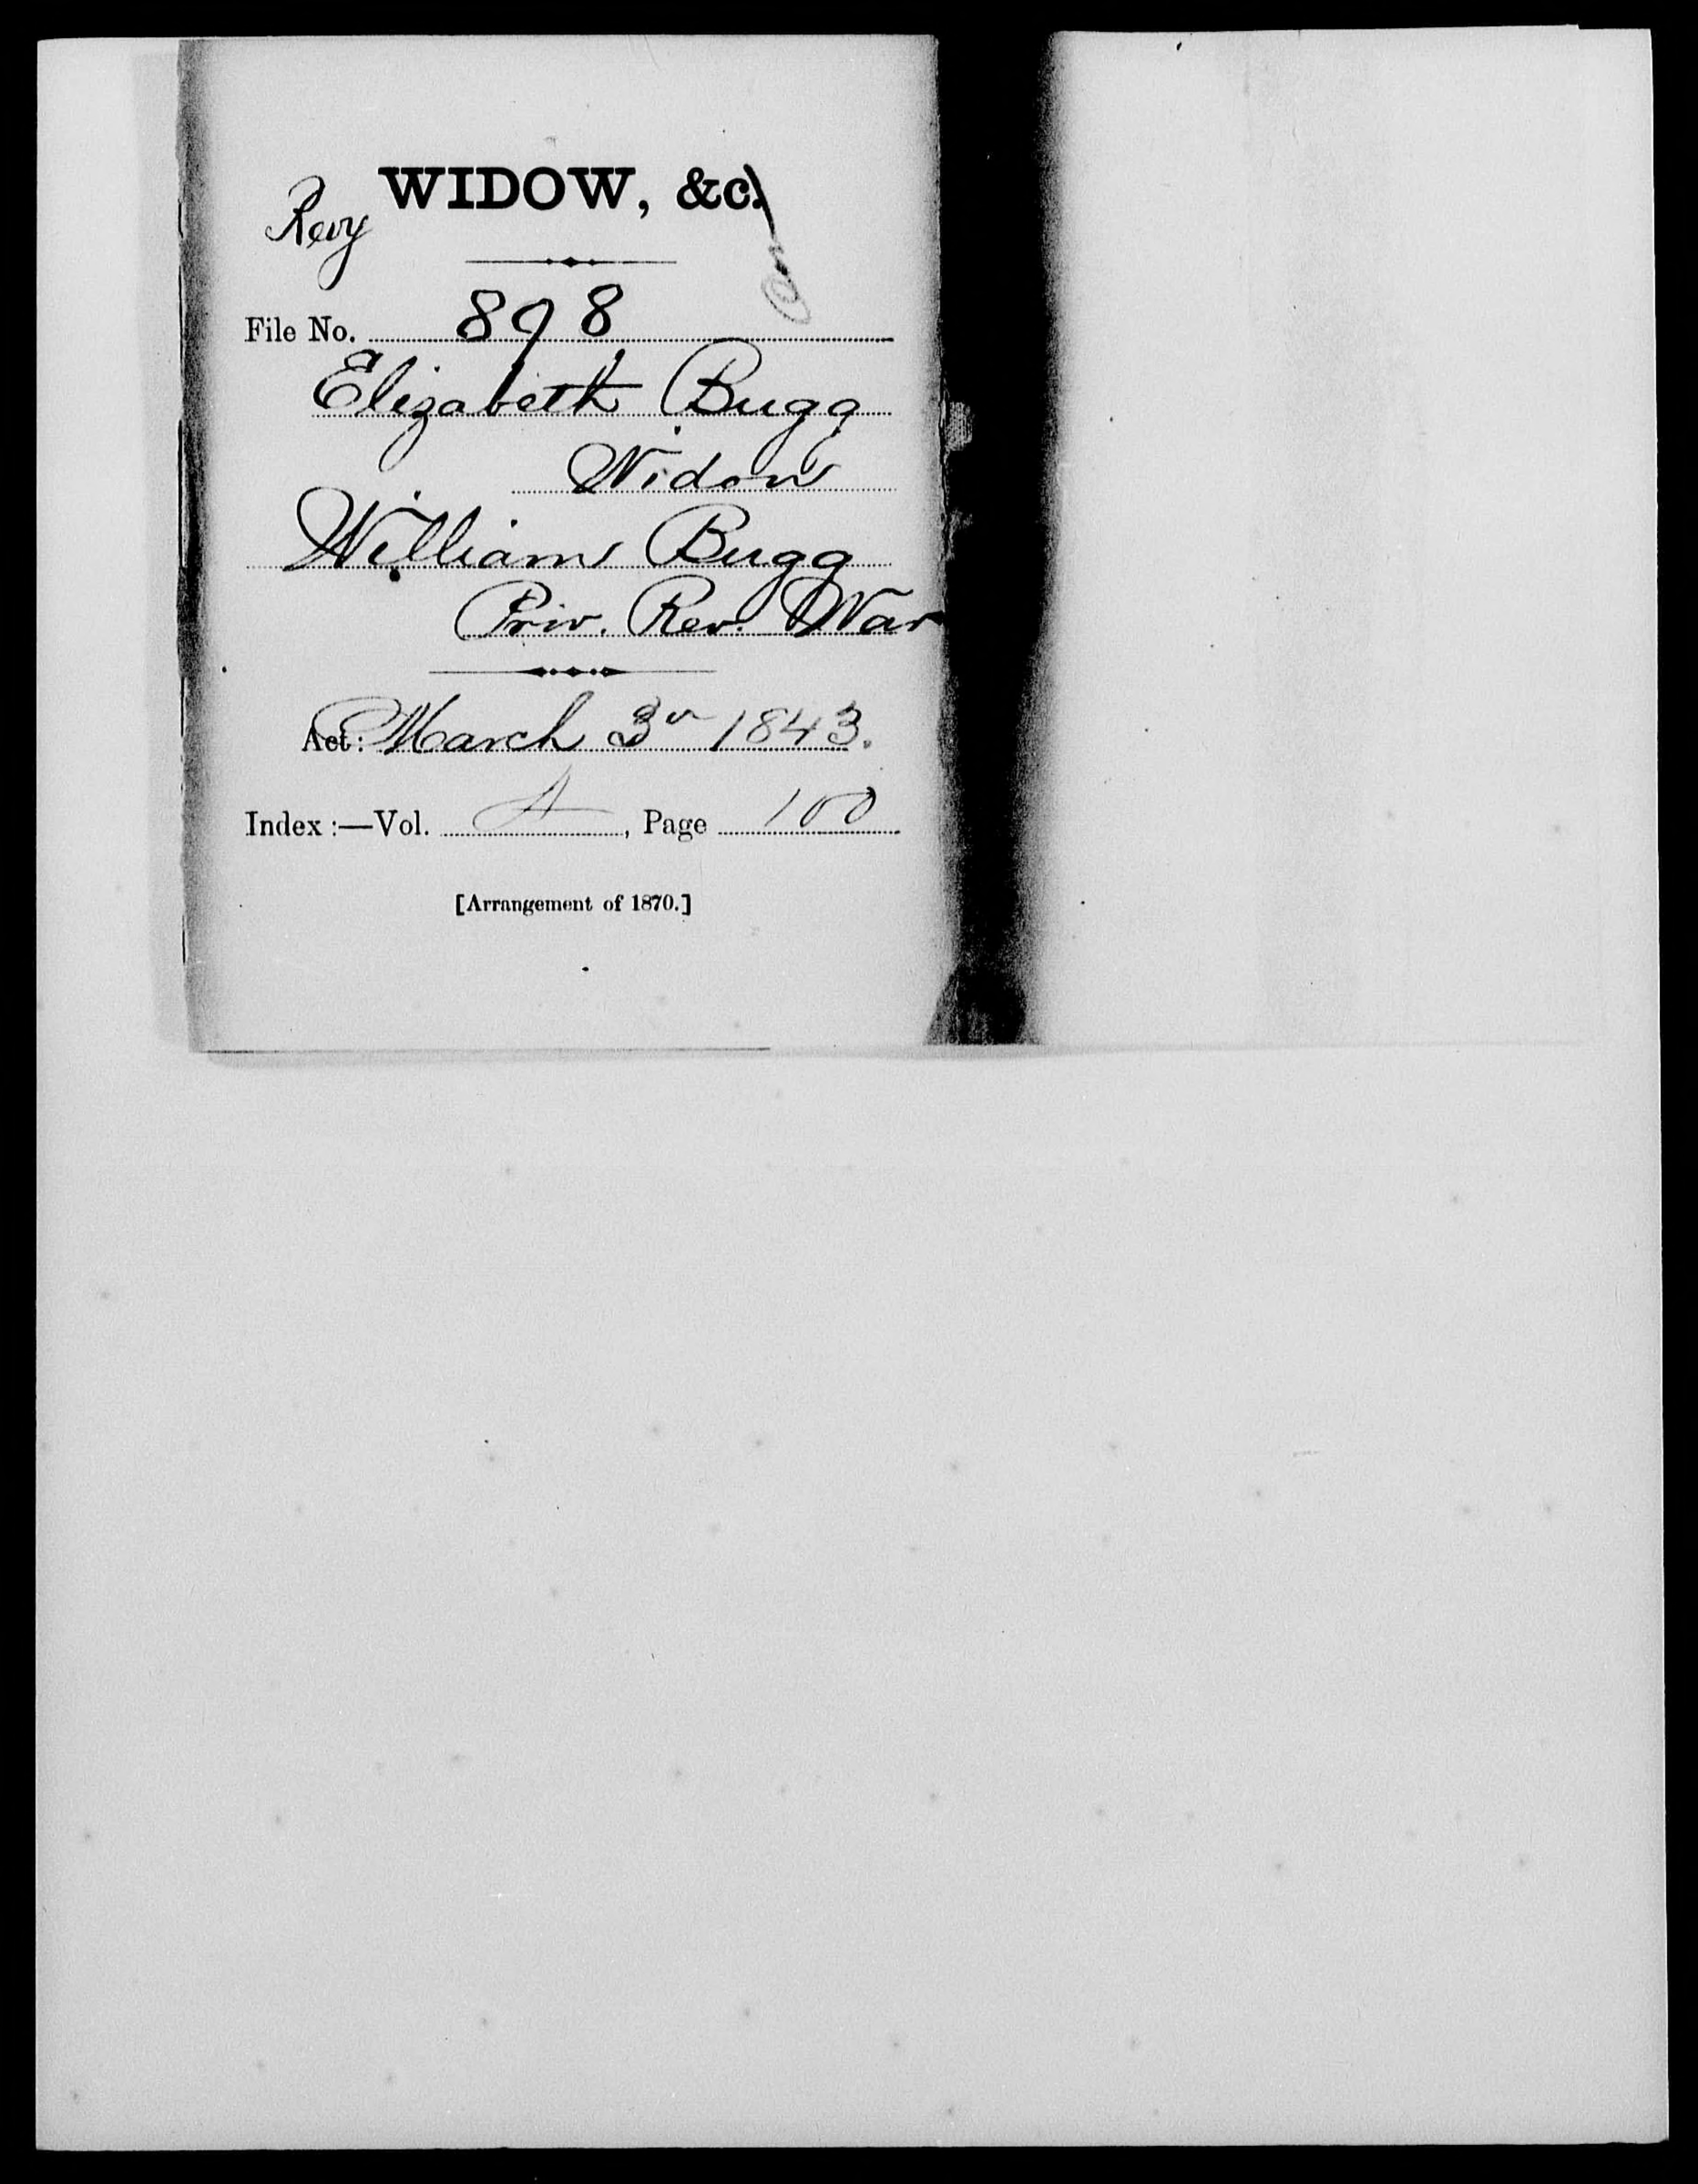WIDOW & c.
Revy
File No 898
Elizabeth Bugg
Widow
William Bugg
Priv. Rev. War
Act March 3rd 1843
Index:--Vol. A, Page 100
[Arrangement of 1870.]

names: William Bugg, Elizabeth Bugg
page: 21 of 50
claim: widow's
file: W. 898, William Bugg, N.C.